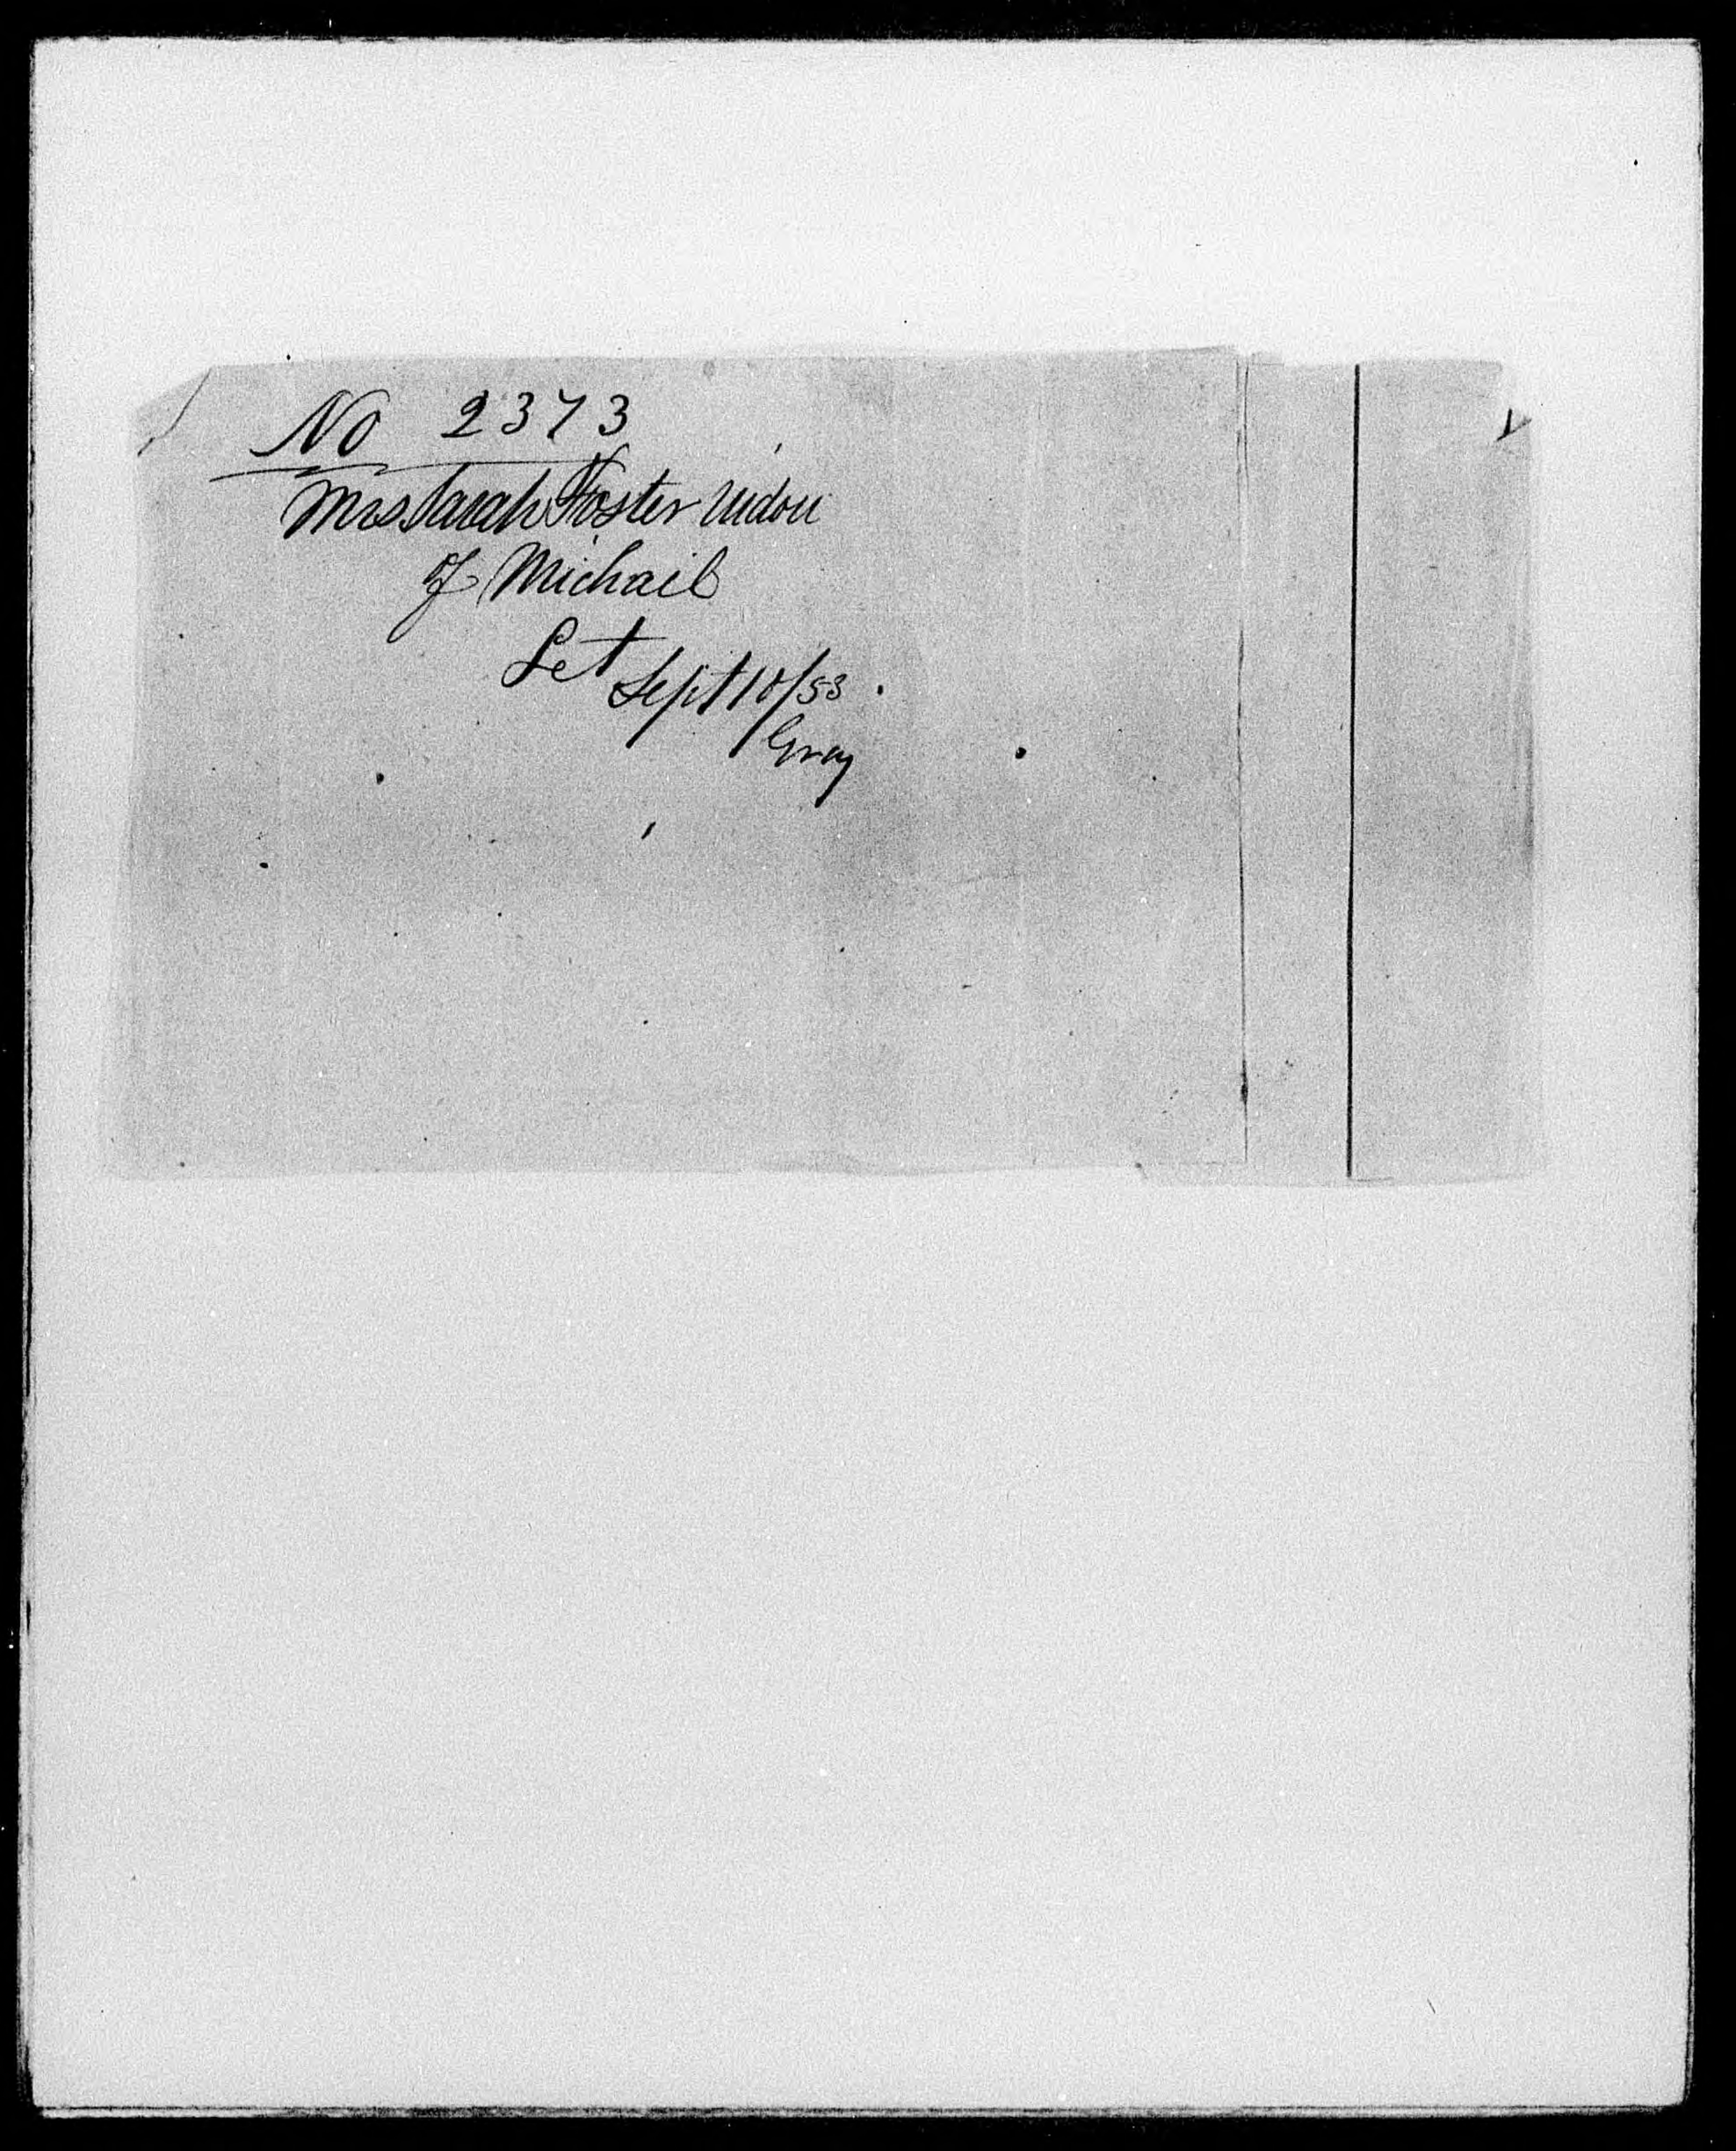NO 2373
Mrs Sarah Foster widow
of Michael
Let Sept 18/53 Gray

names: Sarah Foster, Michael Foster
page: 42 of 57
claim: widow's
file: W. 5275 1/2, Michael Foster, Penn.